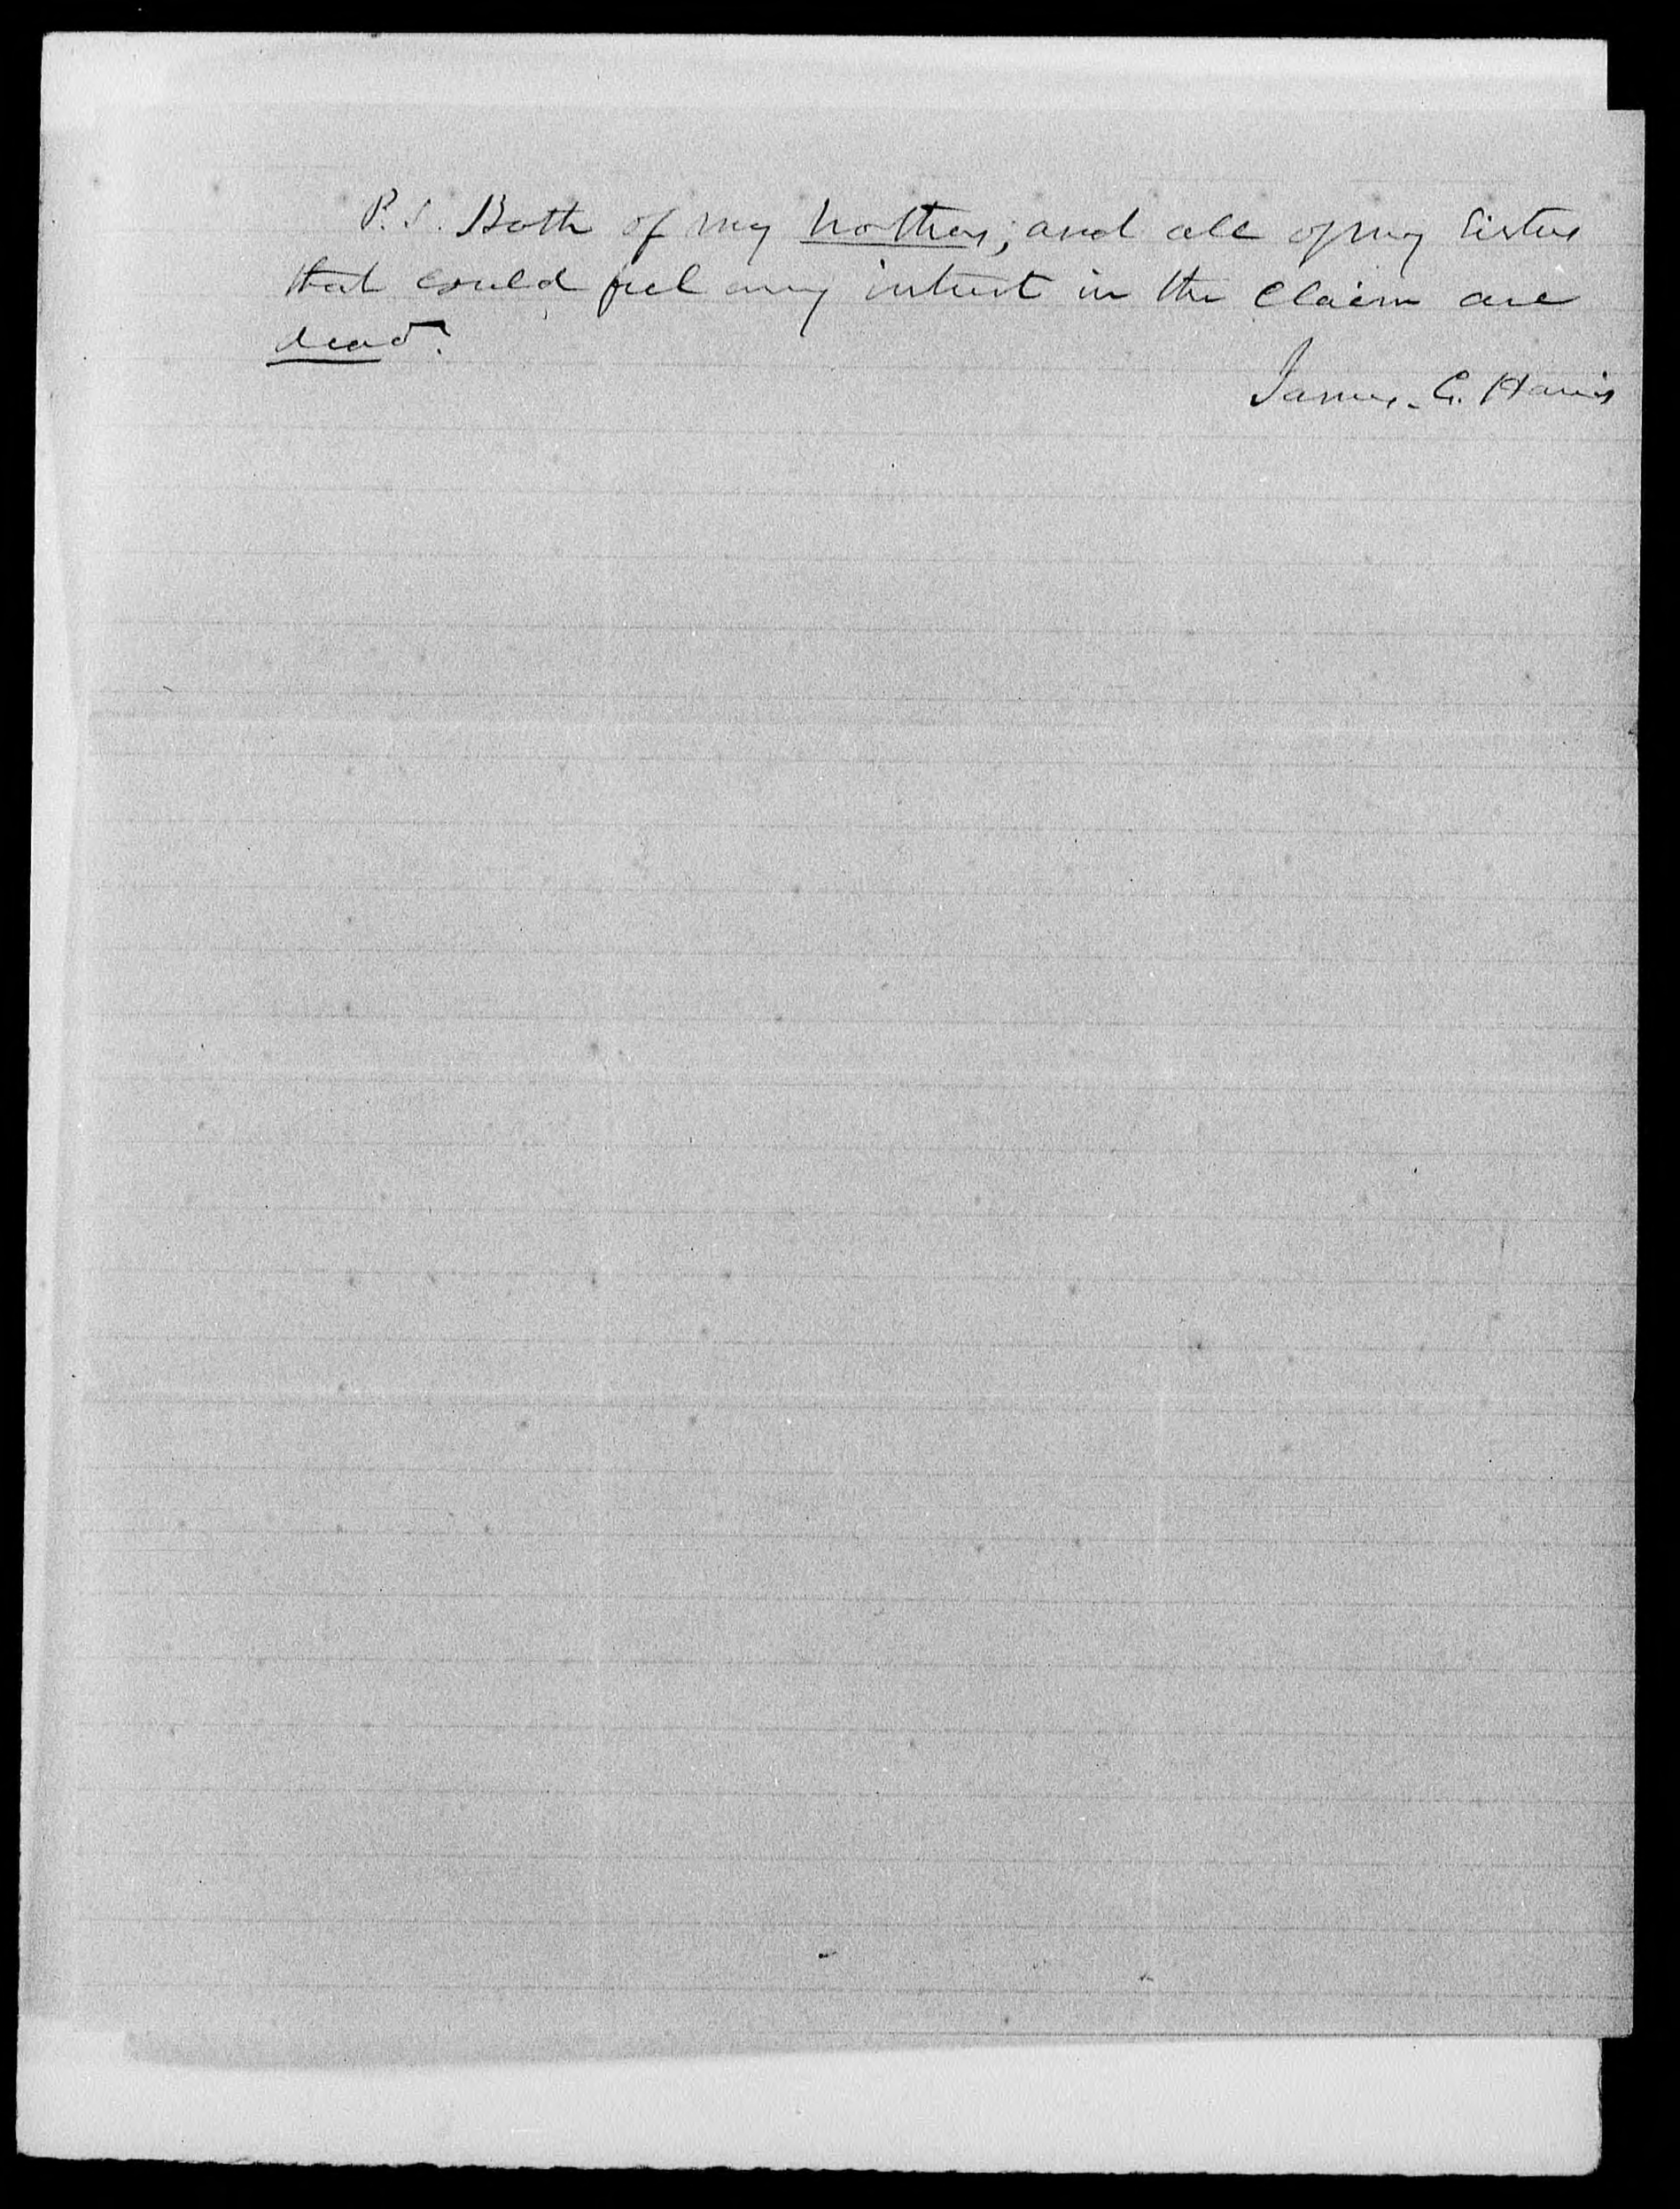P.S.  Both of my brothers, and all of my  sisters that could feel any interest in the claim are dead. James C. Harris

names: James C Harris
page: 58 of 160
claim: rejected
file: R. 4666, James Harris, Va.